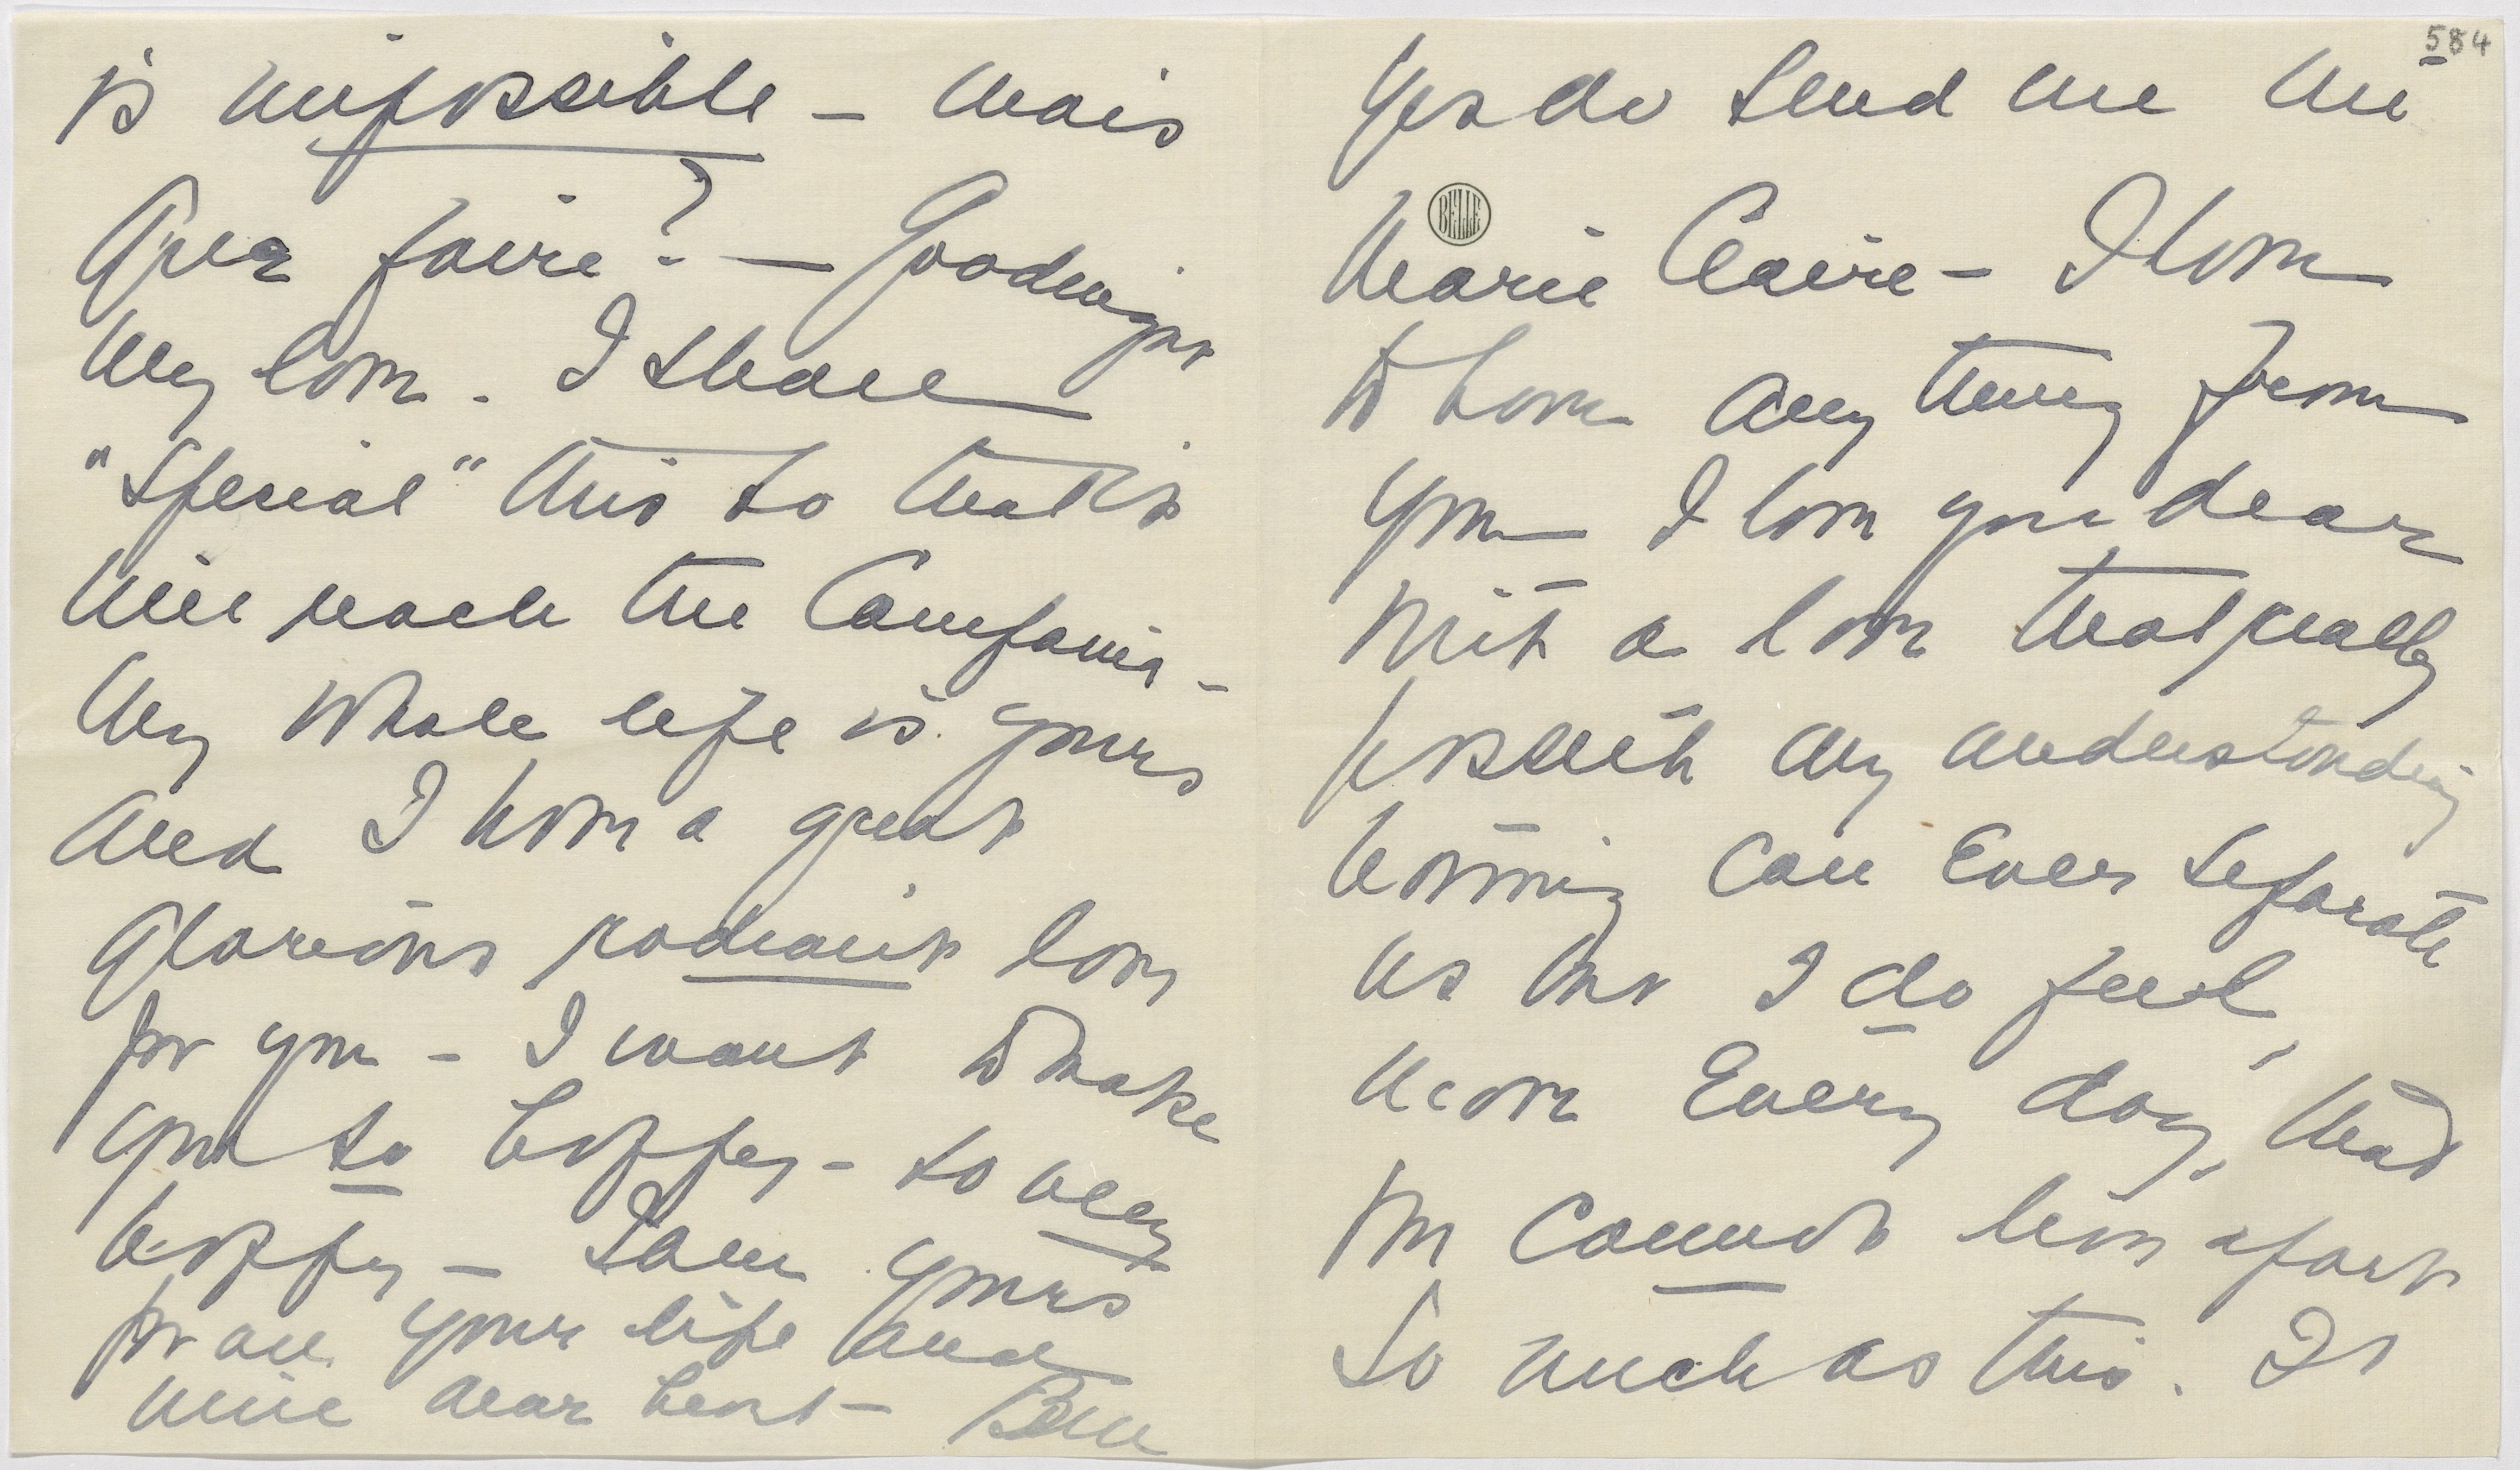Yes do send me the Marie Claire – I love to have any thing from you – I love you dear with a love that really passeth my understanding nothing can ever separate us but I do feel, more every day, that we cannot live apart so much as this. It
is impossible – mais que faire? – Goodnight my love. I shall “special” this so that it will reach the Campania – My whole life is yours and I have a great glorious radiant love for you – I want to make you so happy – so very happy – I am yours for all your life and mine dear heart – Belle